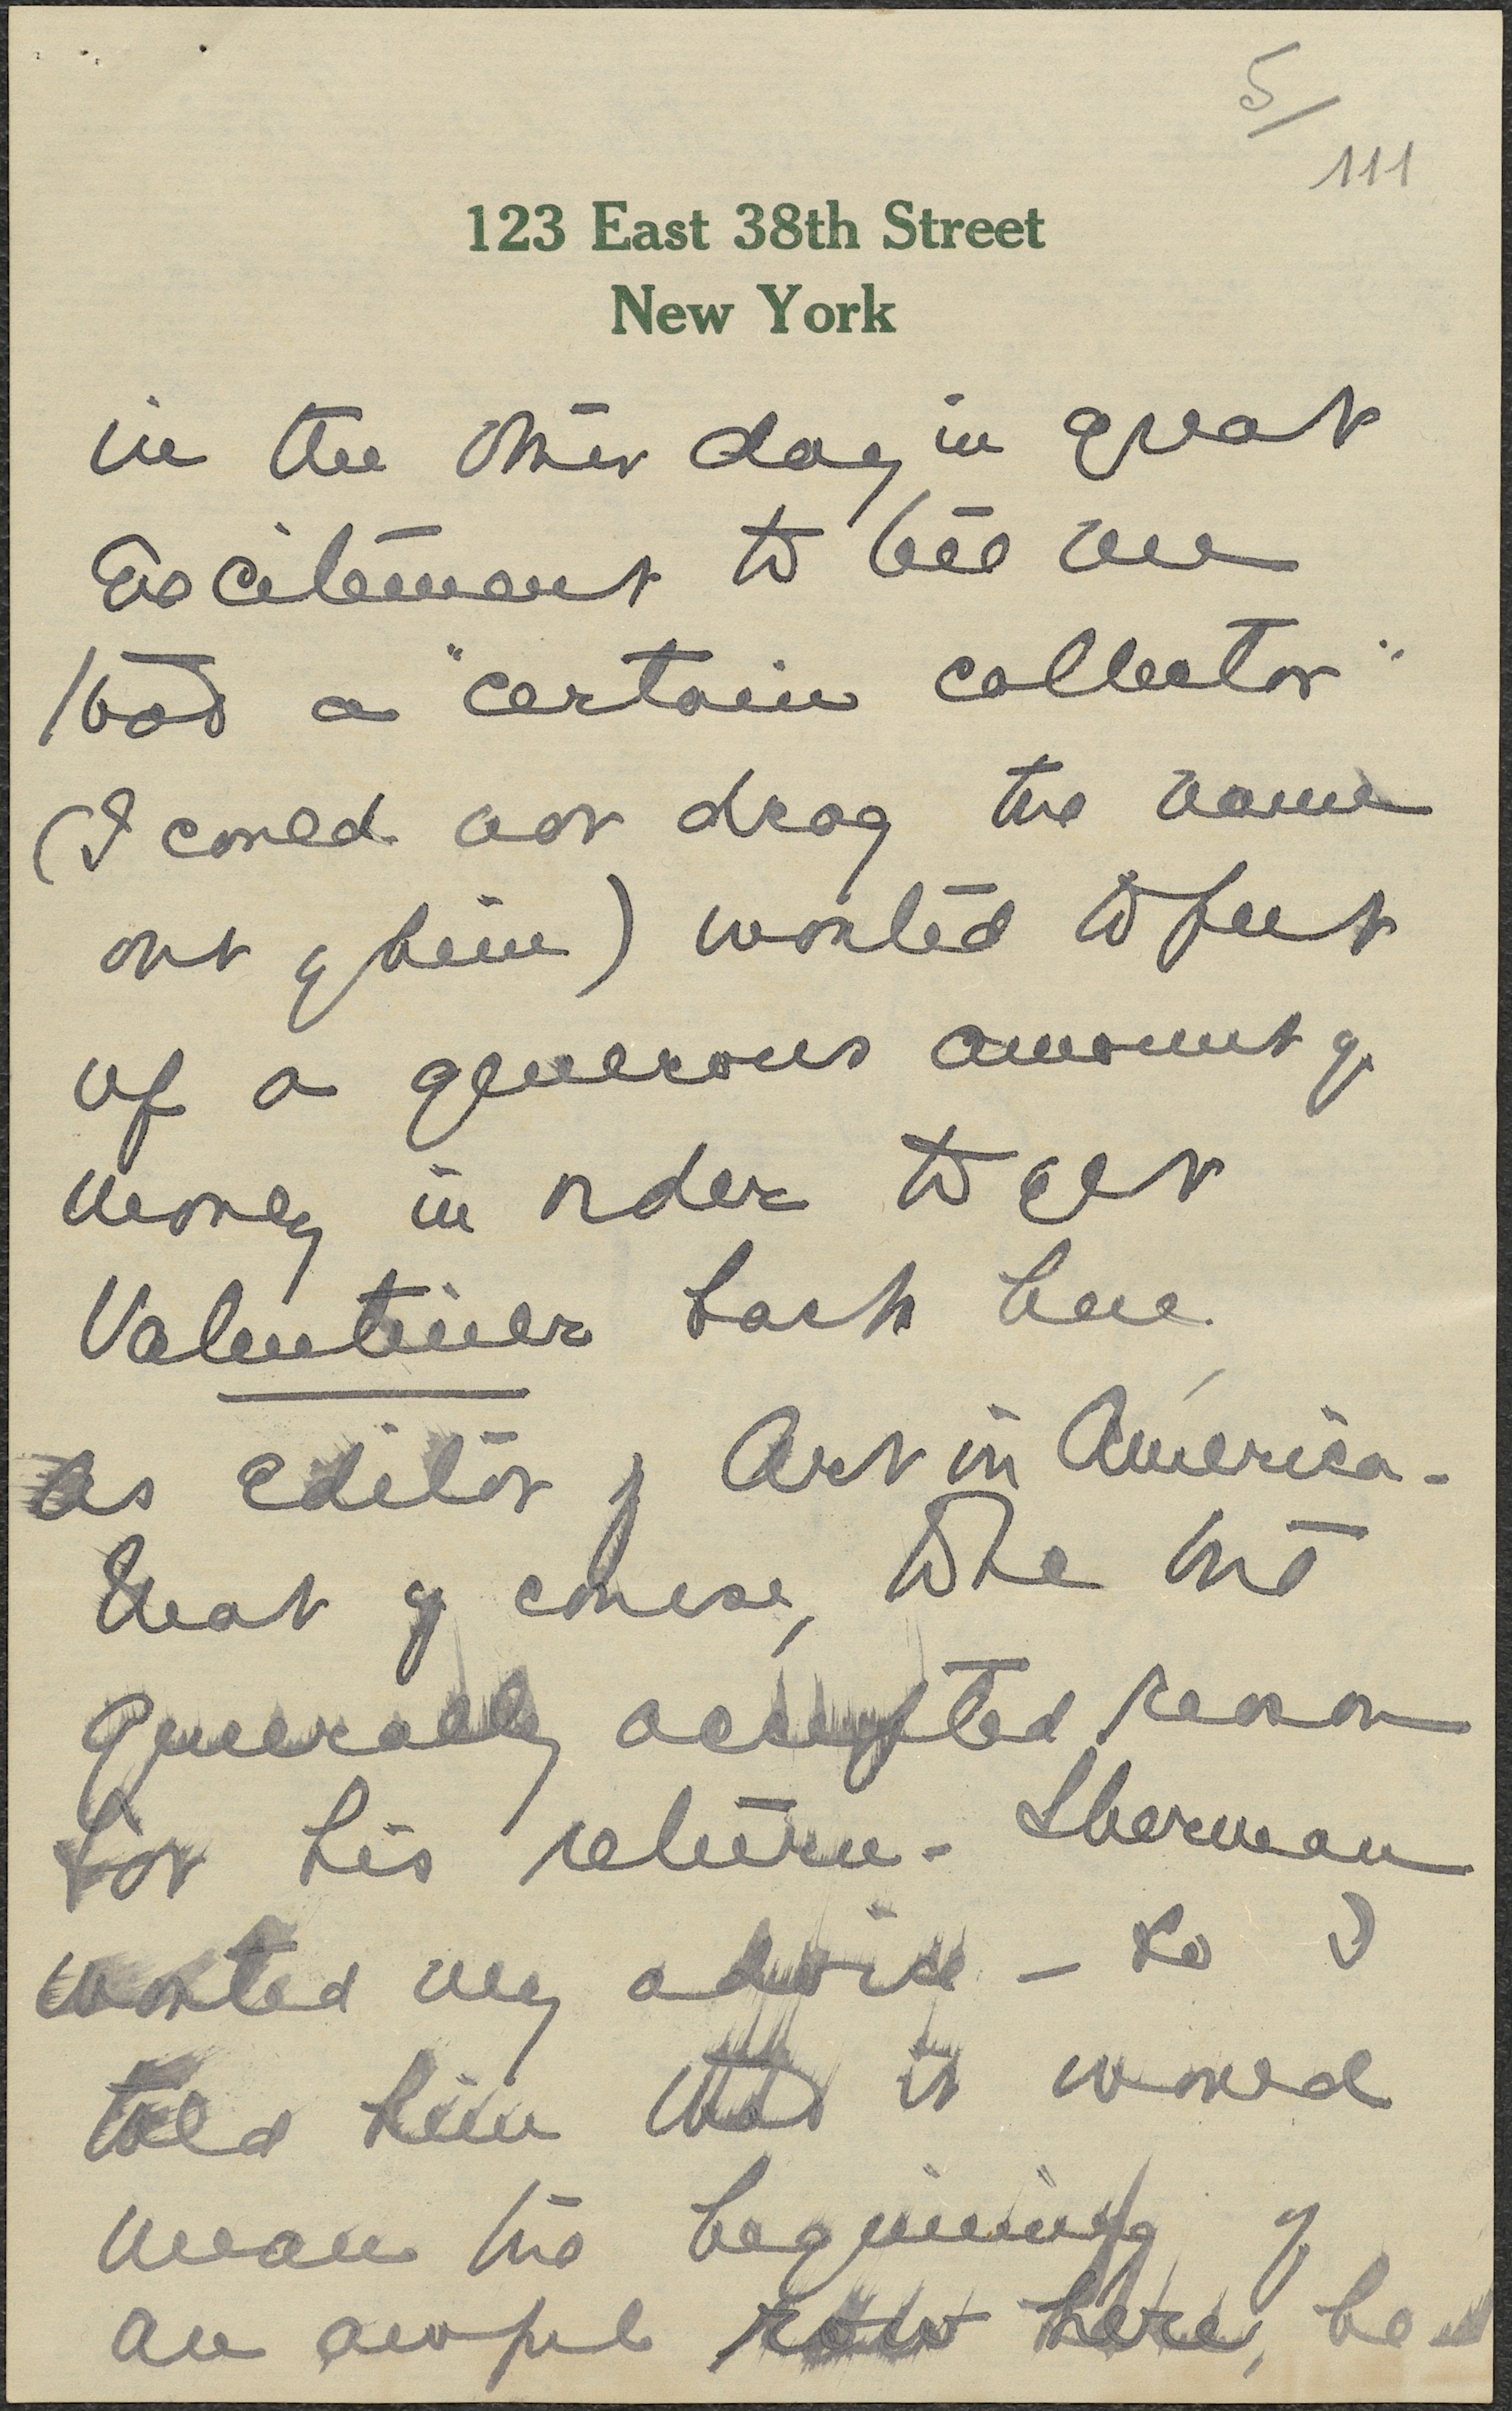in the other day in great excitement to tell me that a “certain collector” (I could not drag the name out of him) wanted to put up a generous amount of money in order to get Valentiner back here as Editor of Art in America.
That of course, to be the generally accepted reason for his return – Sherman wanted my advice – so I told him that it would mean the beginning of an awful row here, because